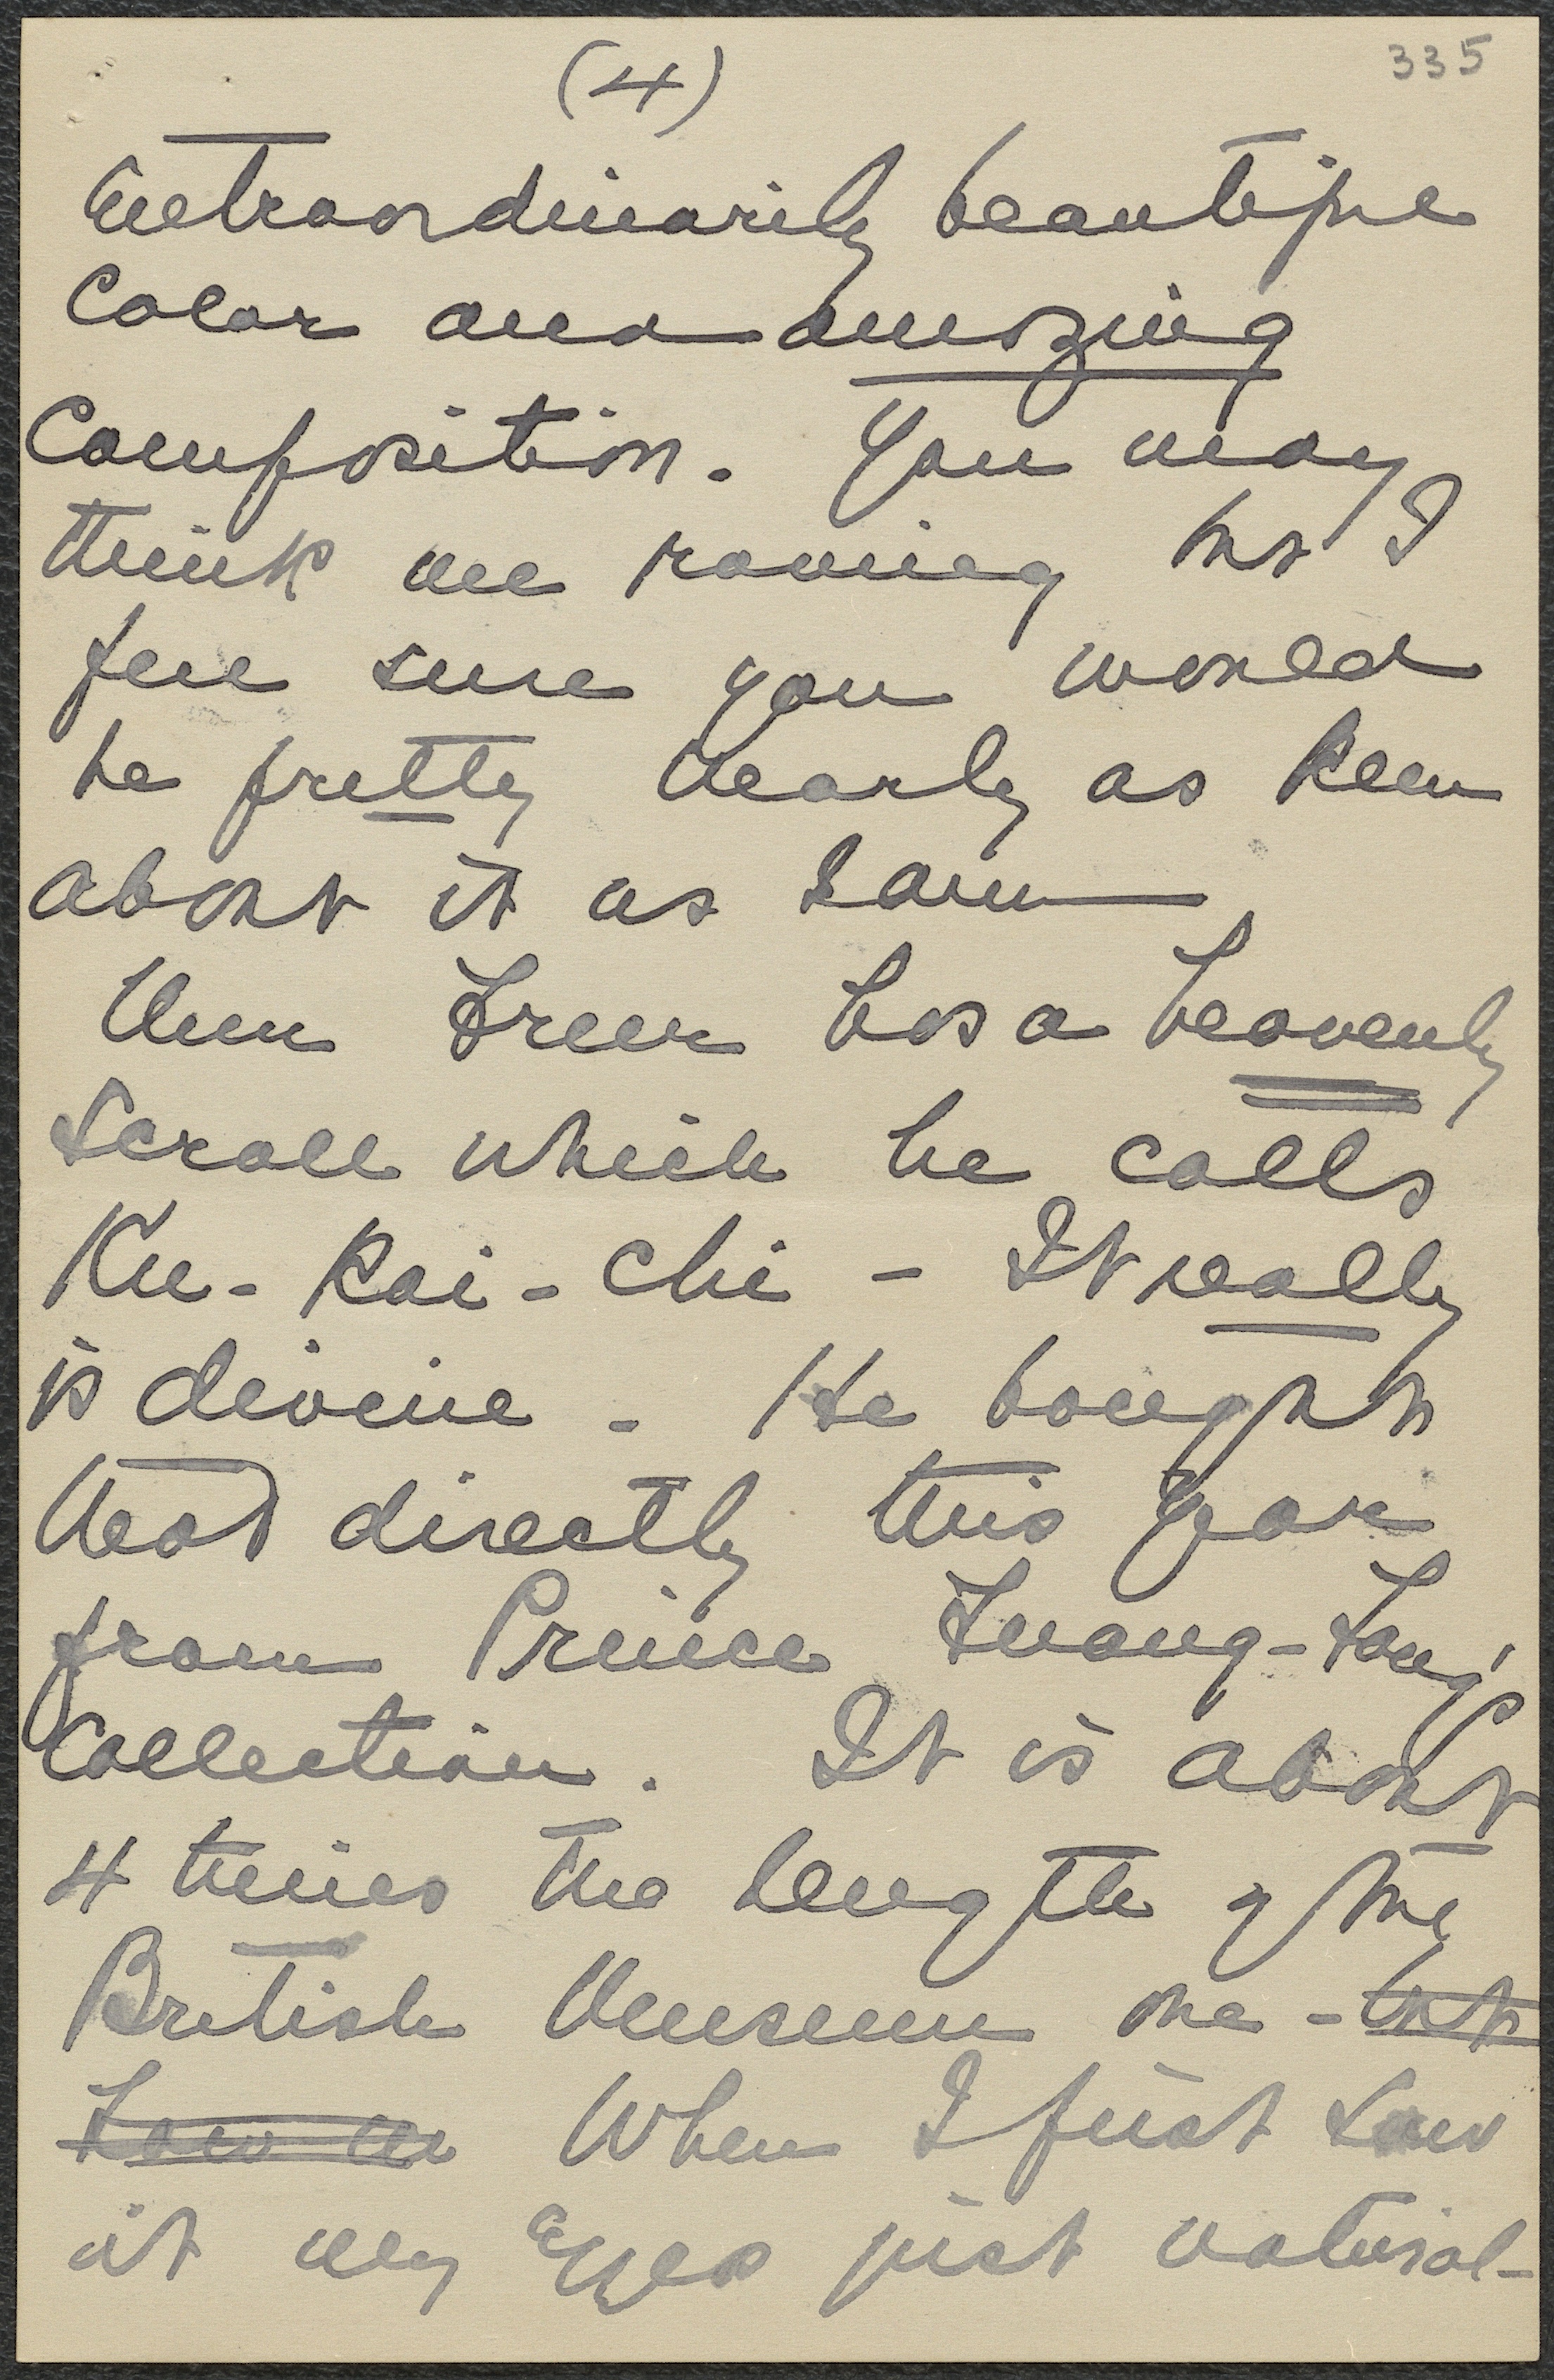(4)
extraordinarily beautiful color and amazing composition – You may thing me raving but I feel sure you would be pretty nearly as keen about it as I am –
Then Freer has a [double underlined: heavenly] scroll which he calls Ku-Kai-chi – It really is divine – He bought that directly this year from Prince Fuang-Tang’s collection. It is about 4 times the length of the British Museum one – but saw w when I first saw it my eyes just natural-